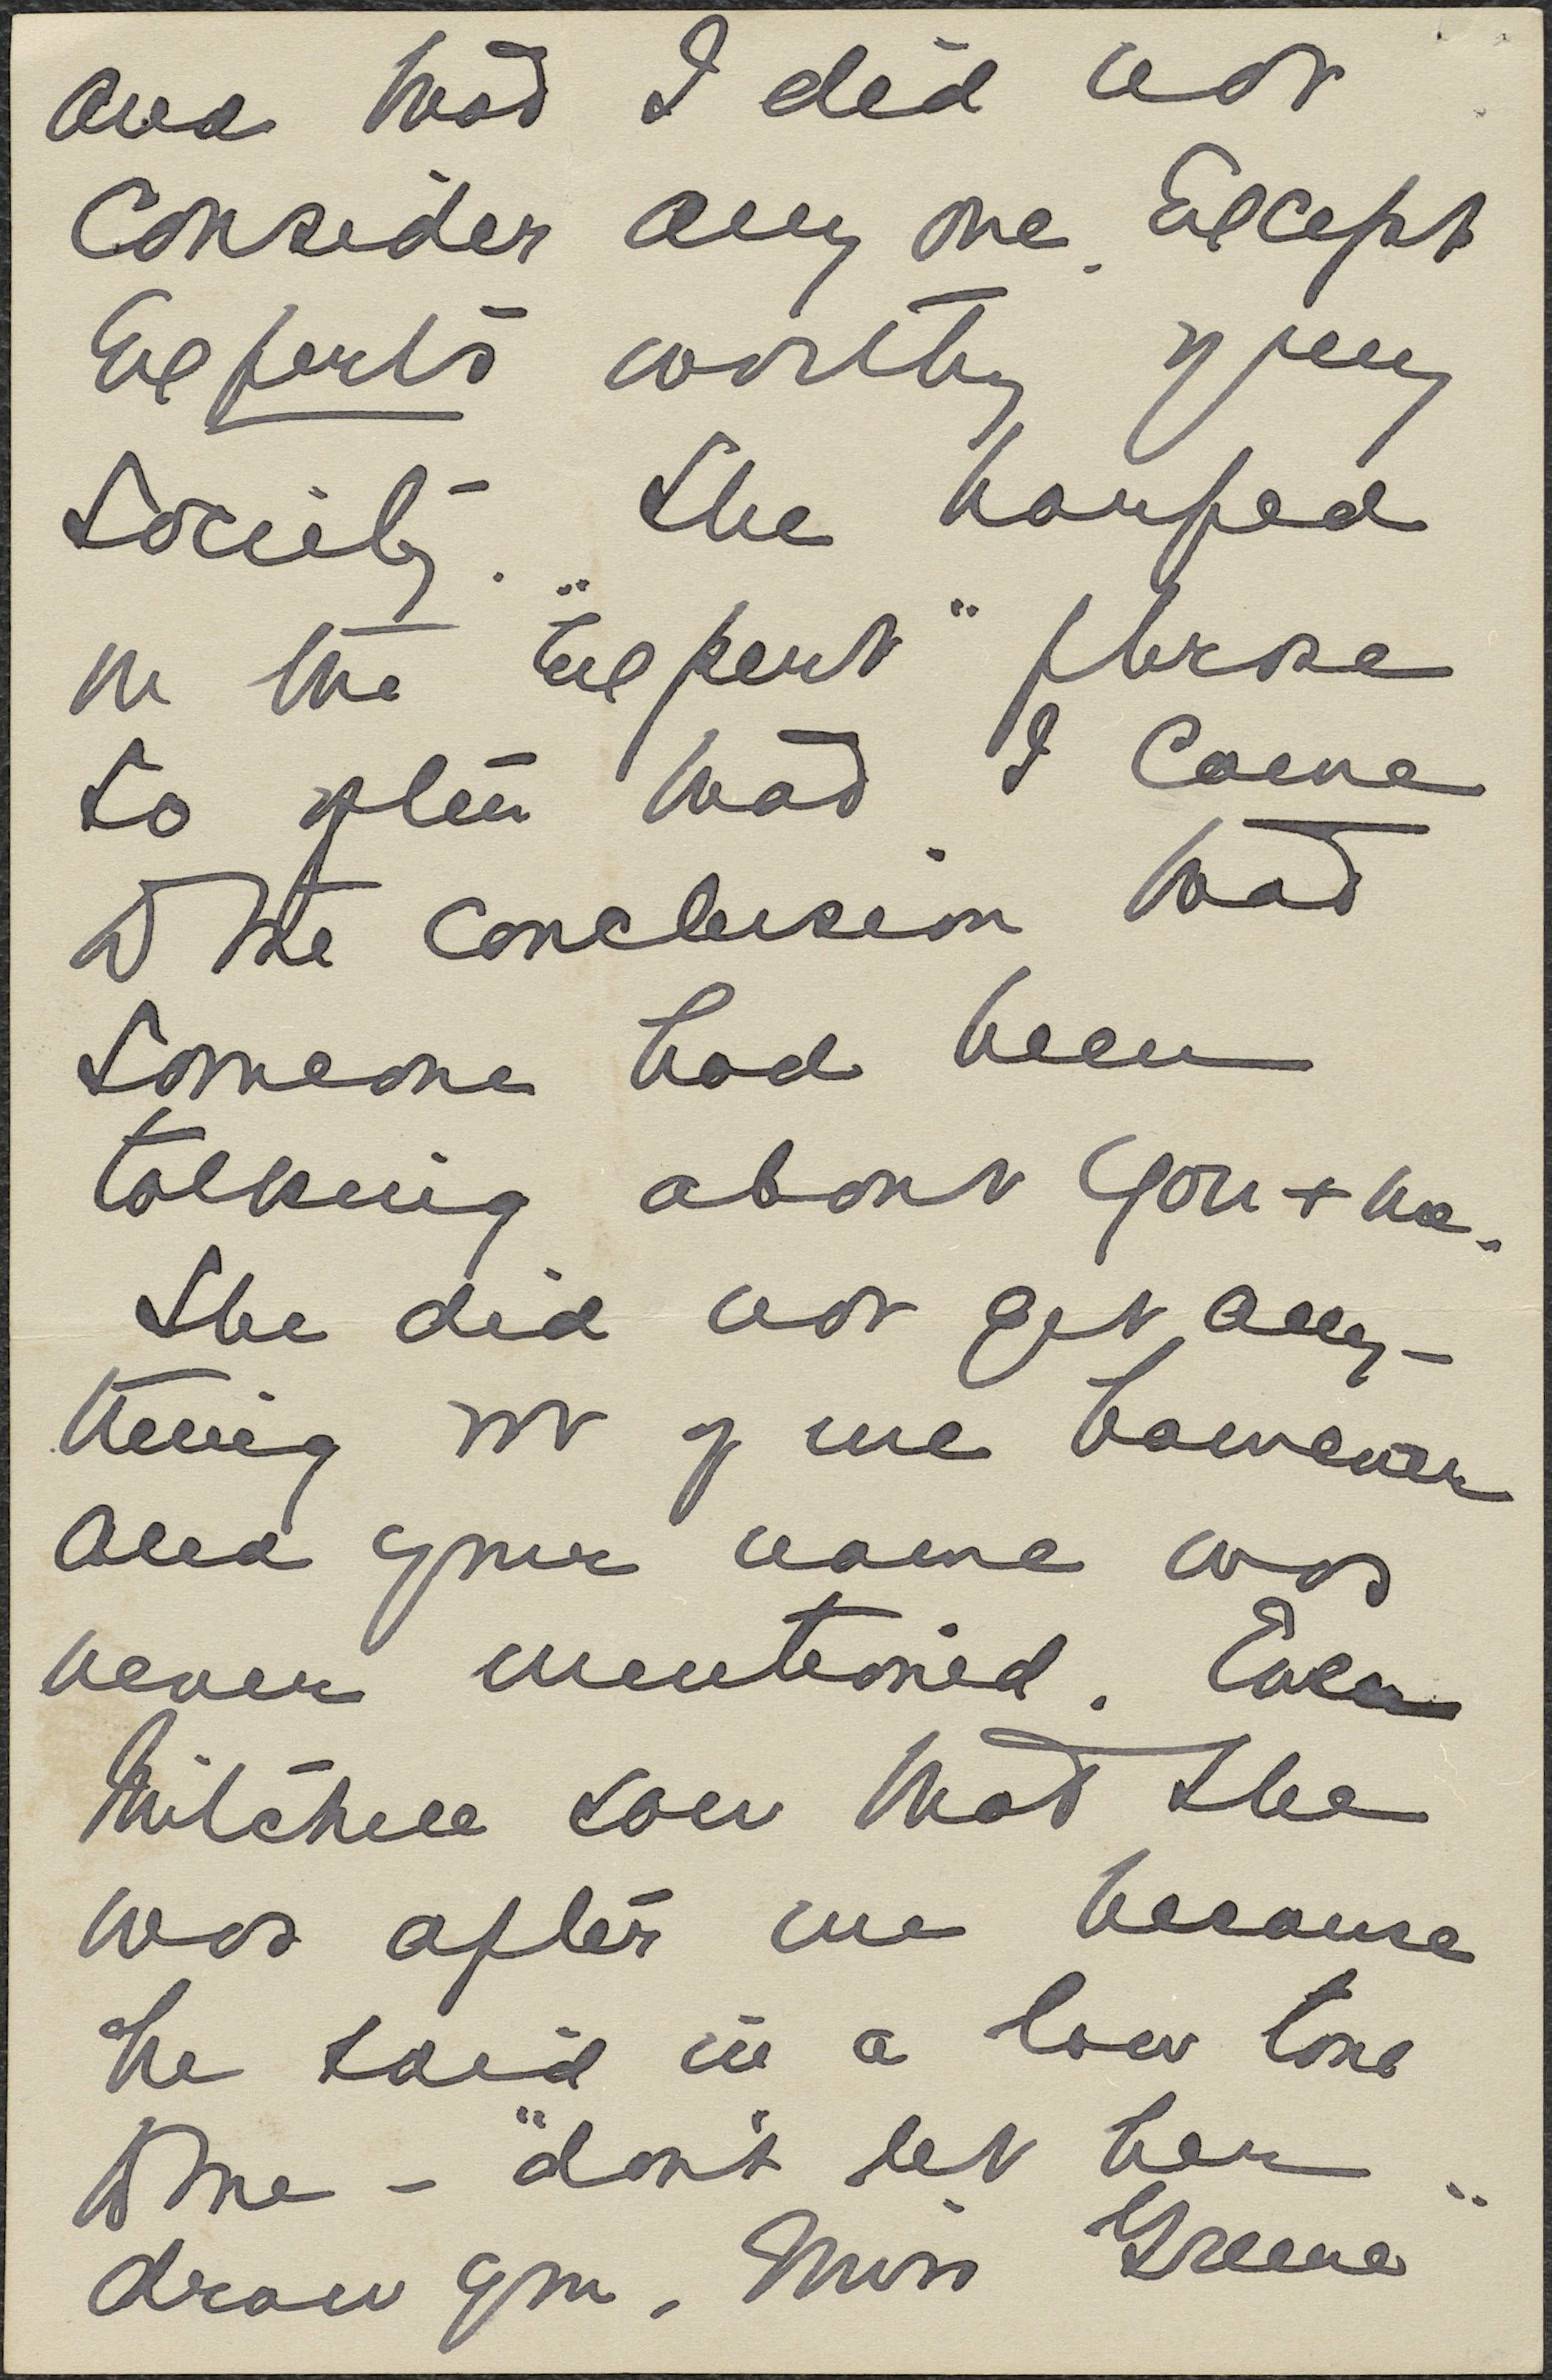and that I did not consider anyone except experts worthy of my society. She harped on the “expert” phrase so often that I came to the conclusion that someone had been talking about you & me. She did not get anything out of me however and your name was never mentioned. Even Mitchell [sic] saw that she was after me because he said in a low tone to me – “don’t let her draw you, Miss Greene”